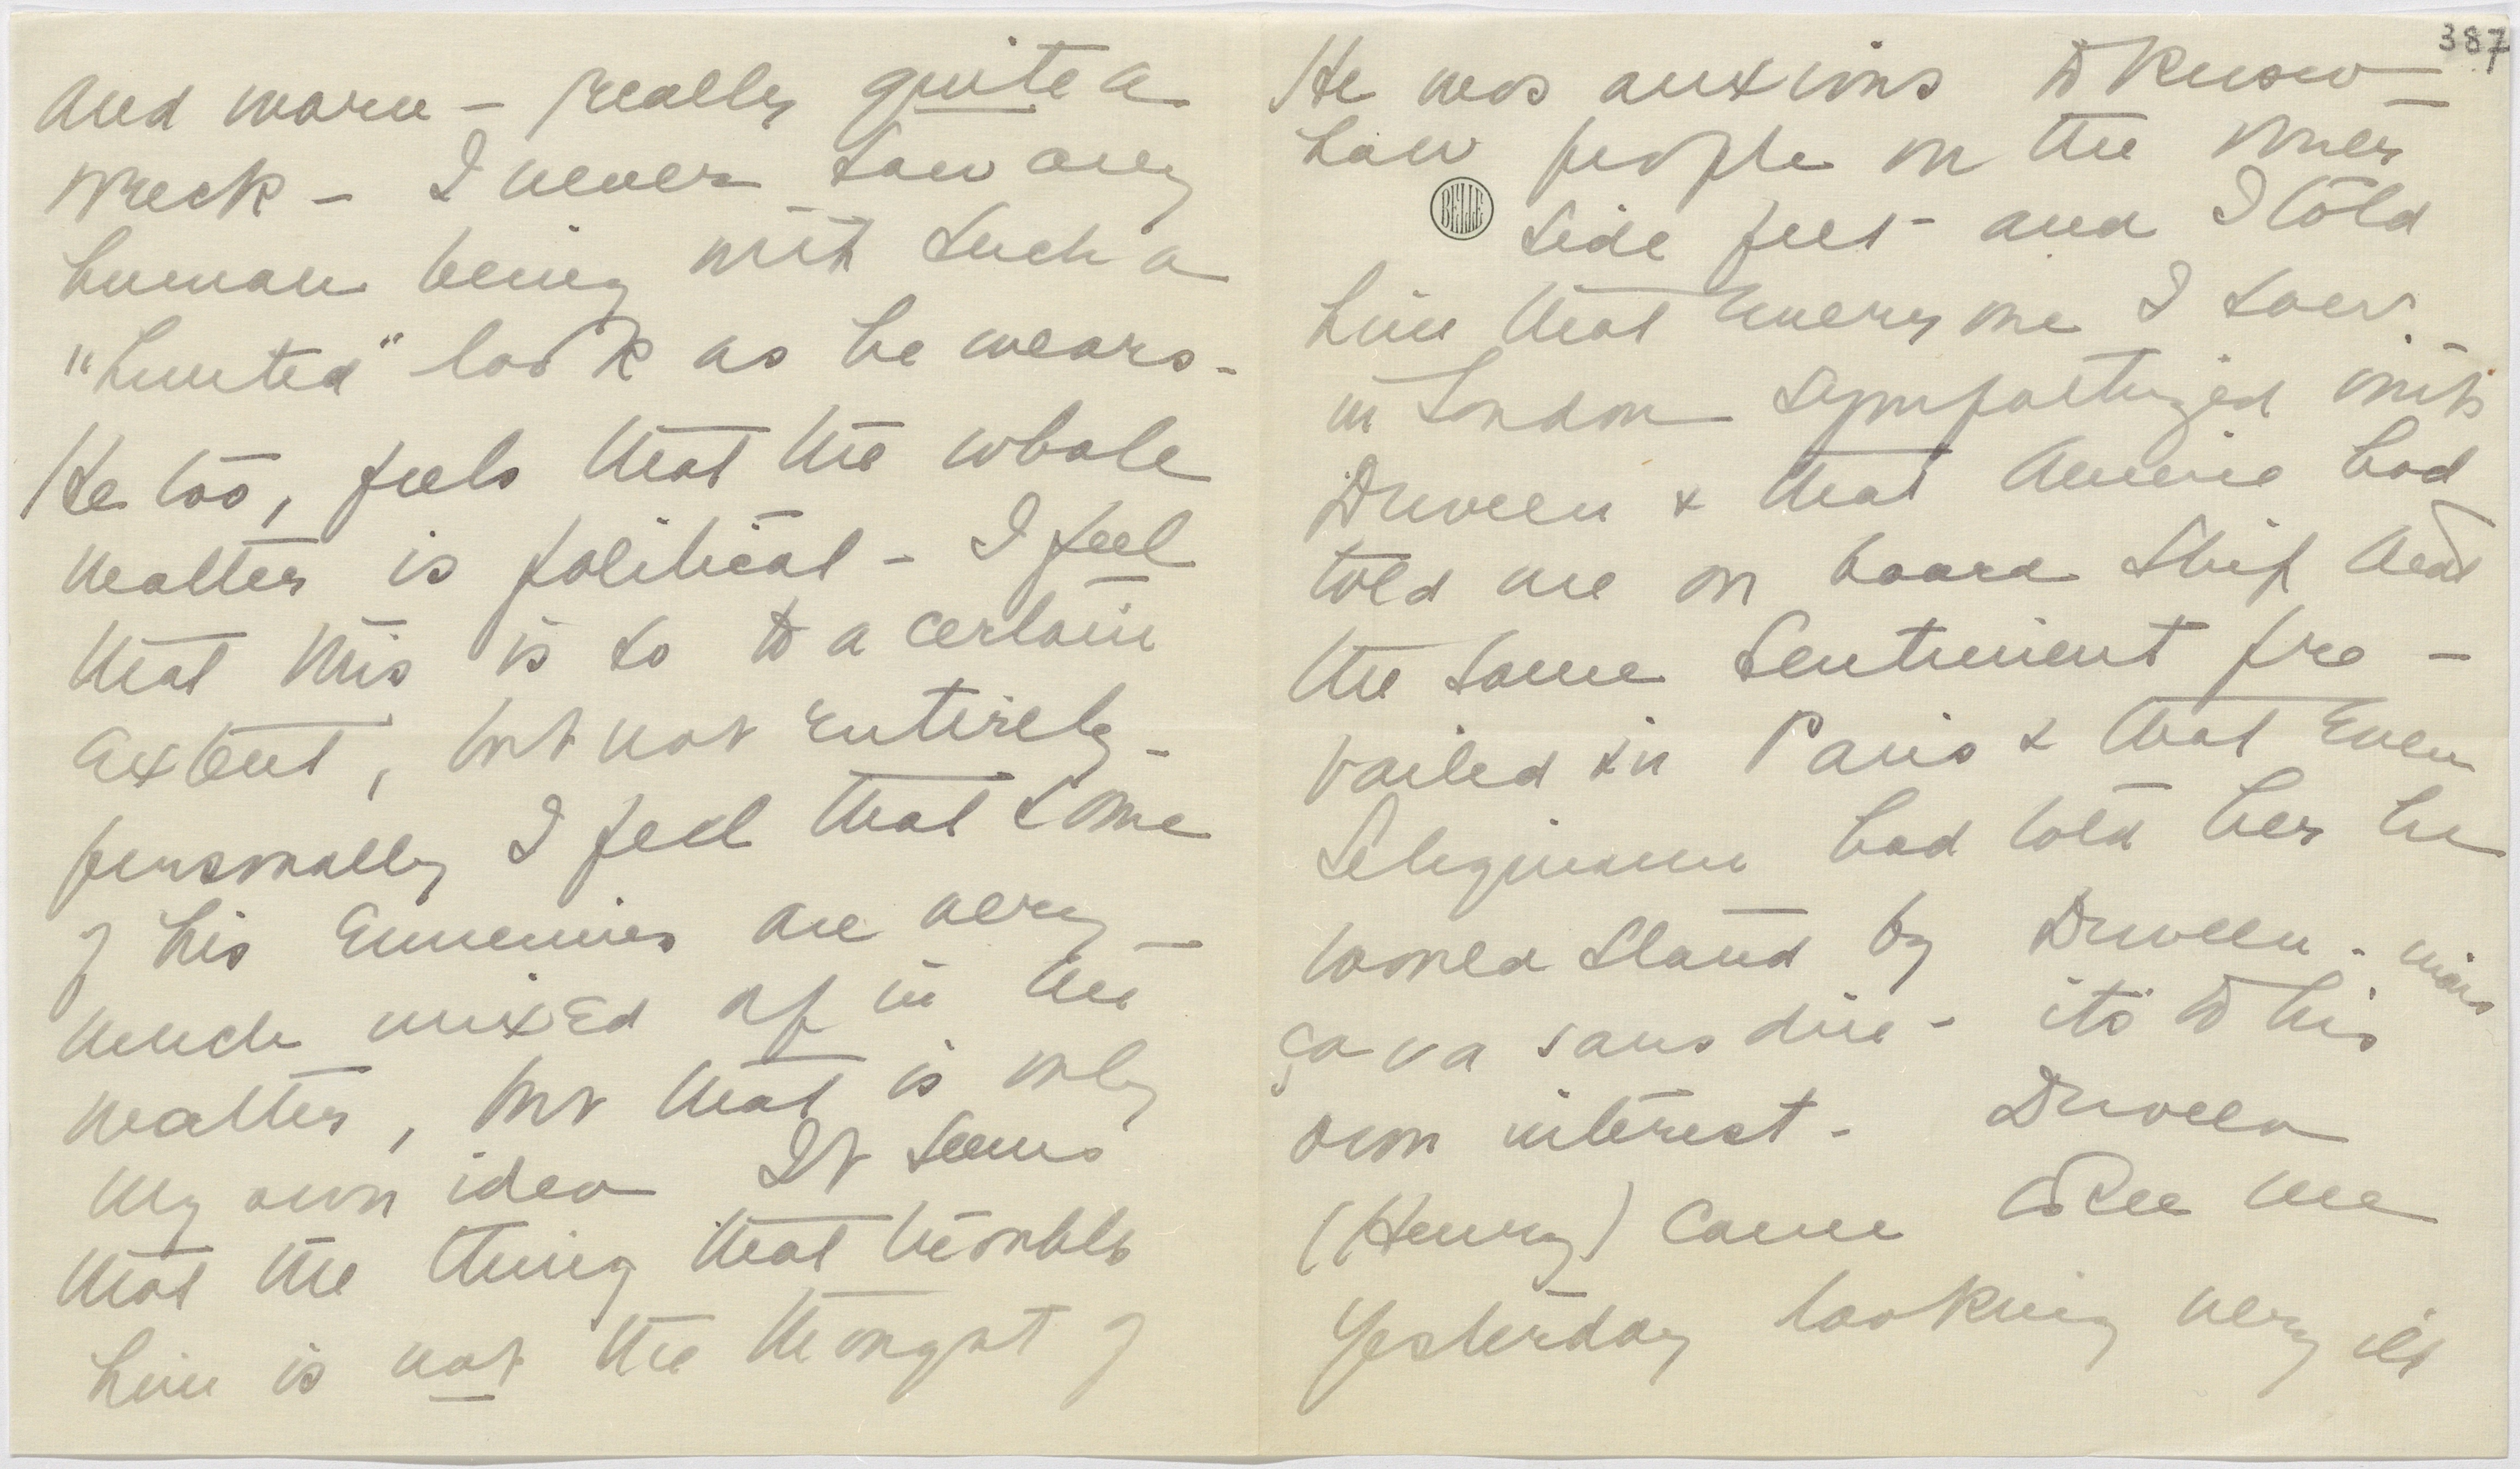He was anxious to know how people on the other side feel – and I told him that every one I saw in London sympathized with Duveen & that Annie had told me on board ship that the same sentiment prevailed in Paris & that even Seligmann had told her he would stand by Duveen – mirs ça va sans dire – it’s to his own interest – Duveen (Henry) came to see me yesterday looking very ill
and worn – really quite a wreck – I never saw any human being with such a “hunted” look as he wears – He too, feels that the whole matter is political – I feel that this is so to a certain extent, but not entirely – personally I feel that some of his enemies are very much mixed up in the matter, but that is only my own idea It seems that the thing that troubles him is not the thought of